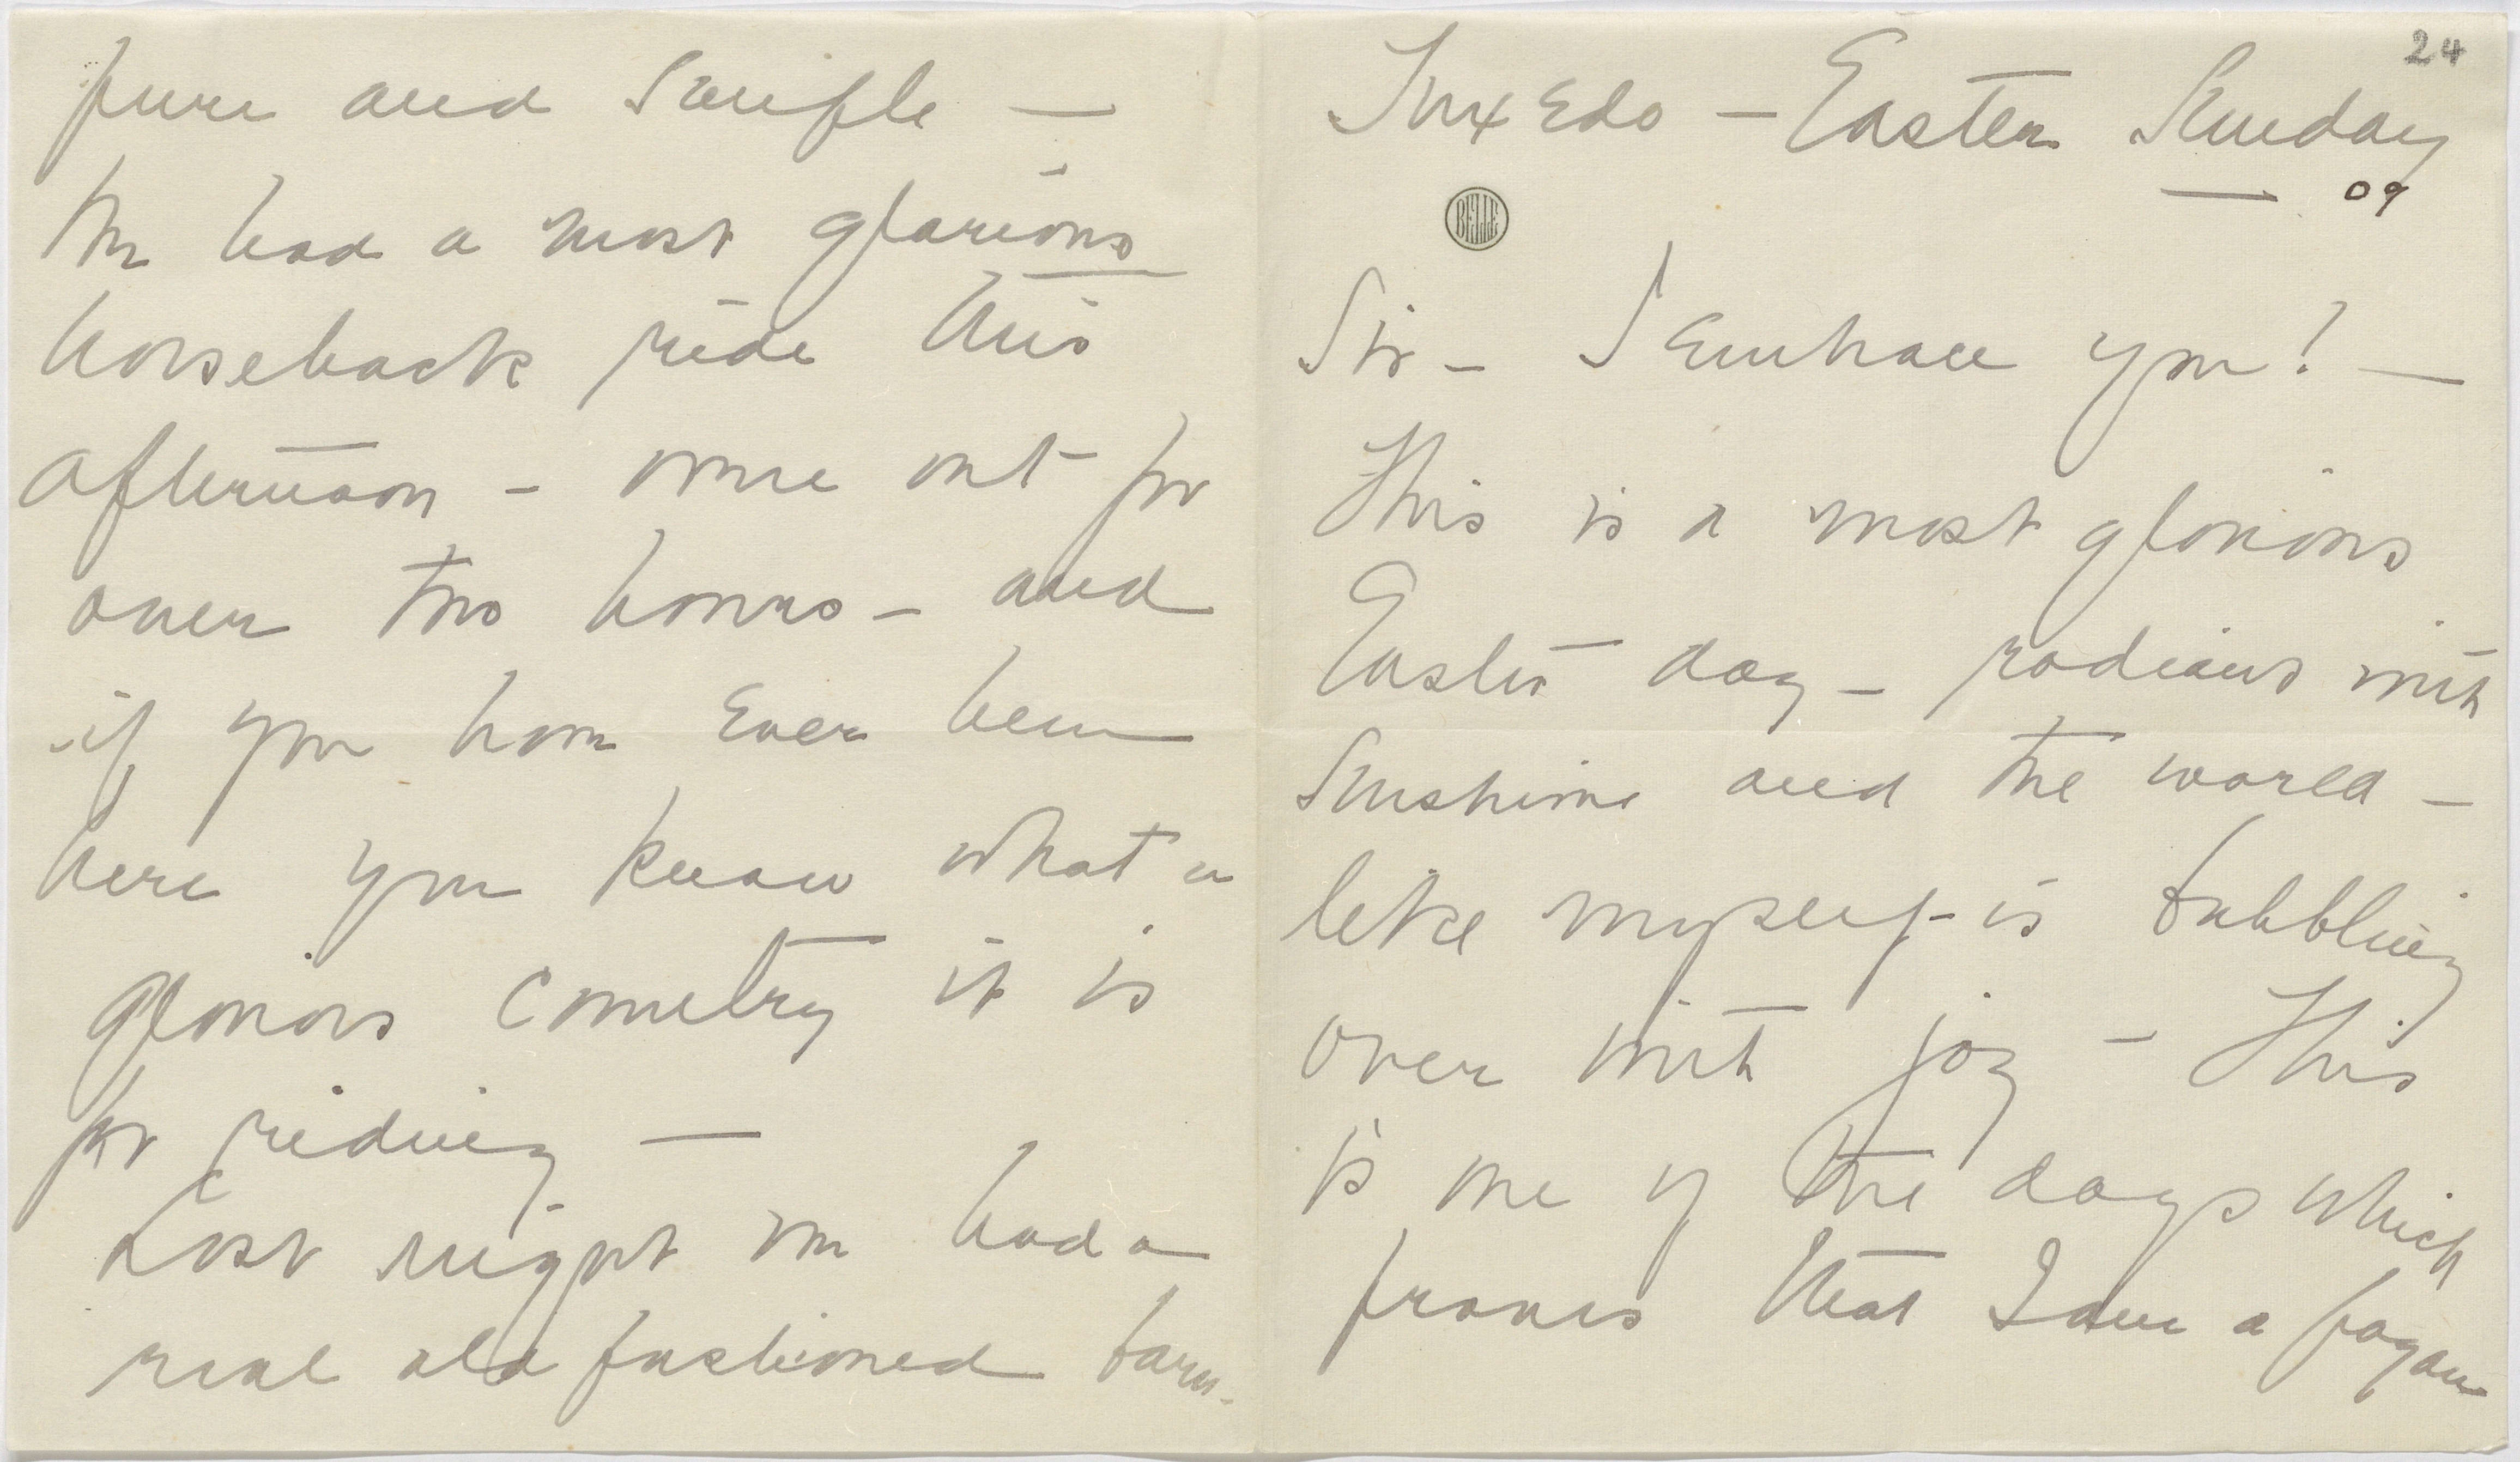Tuxedo – Easter Sunday
Sir – I embrace you! –
This is a most glorious Easter day – radiant with sunshine and the world – like myself is bubbling over with joy – This is one of the days which proves that I am a pagan
pure and simple –
We had a most glorious horseback ride this afternoon – were out for over two hours – and if you have ever been here you know what a glorious country it is for riding –
Last night we had a real old fashioned barn –